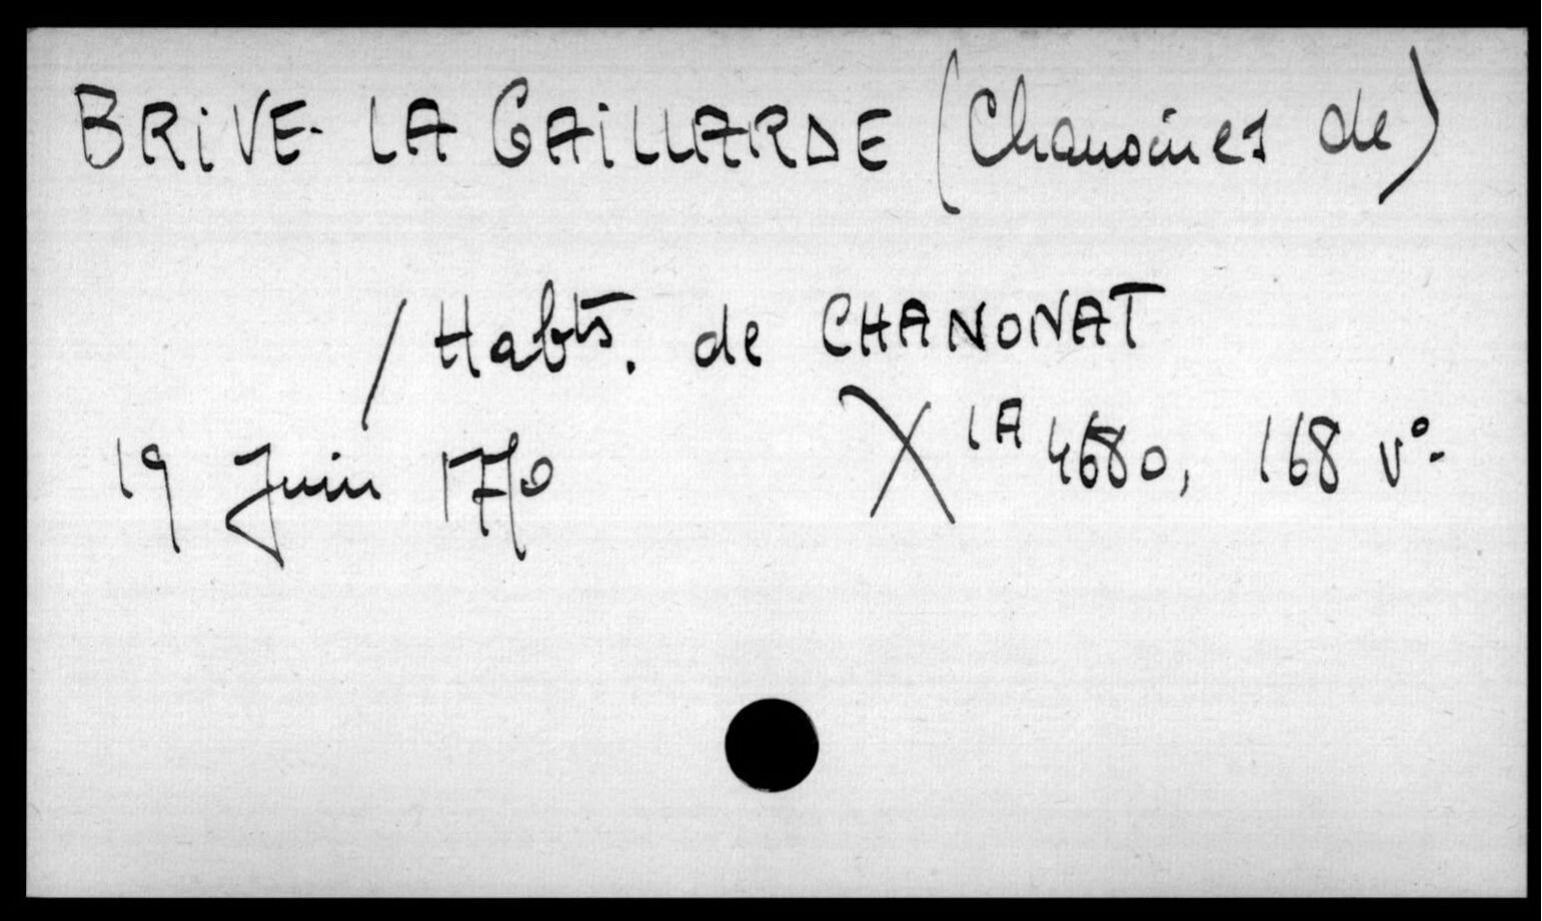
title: BRIVE-LA GAILLARDE (Chanoines de)
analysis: Contre Habitants de CHANONAT
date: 19 juin 1770
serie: X1A
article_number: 4680
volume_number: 168v
